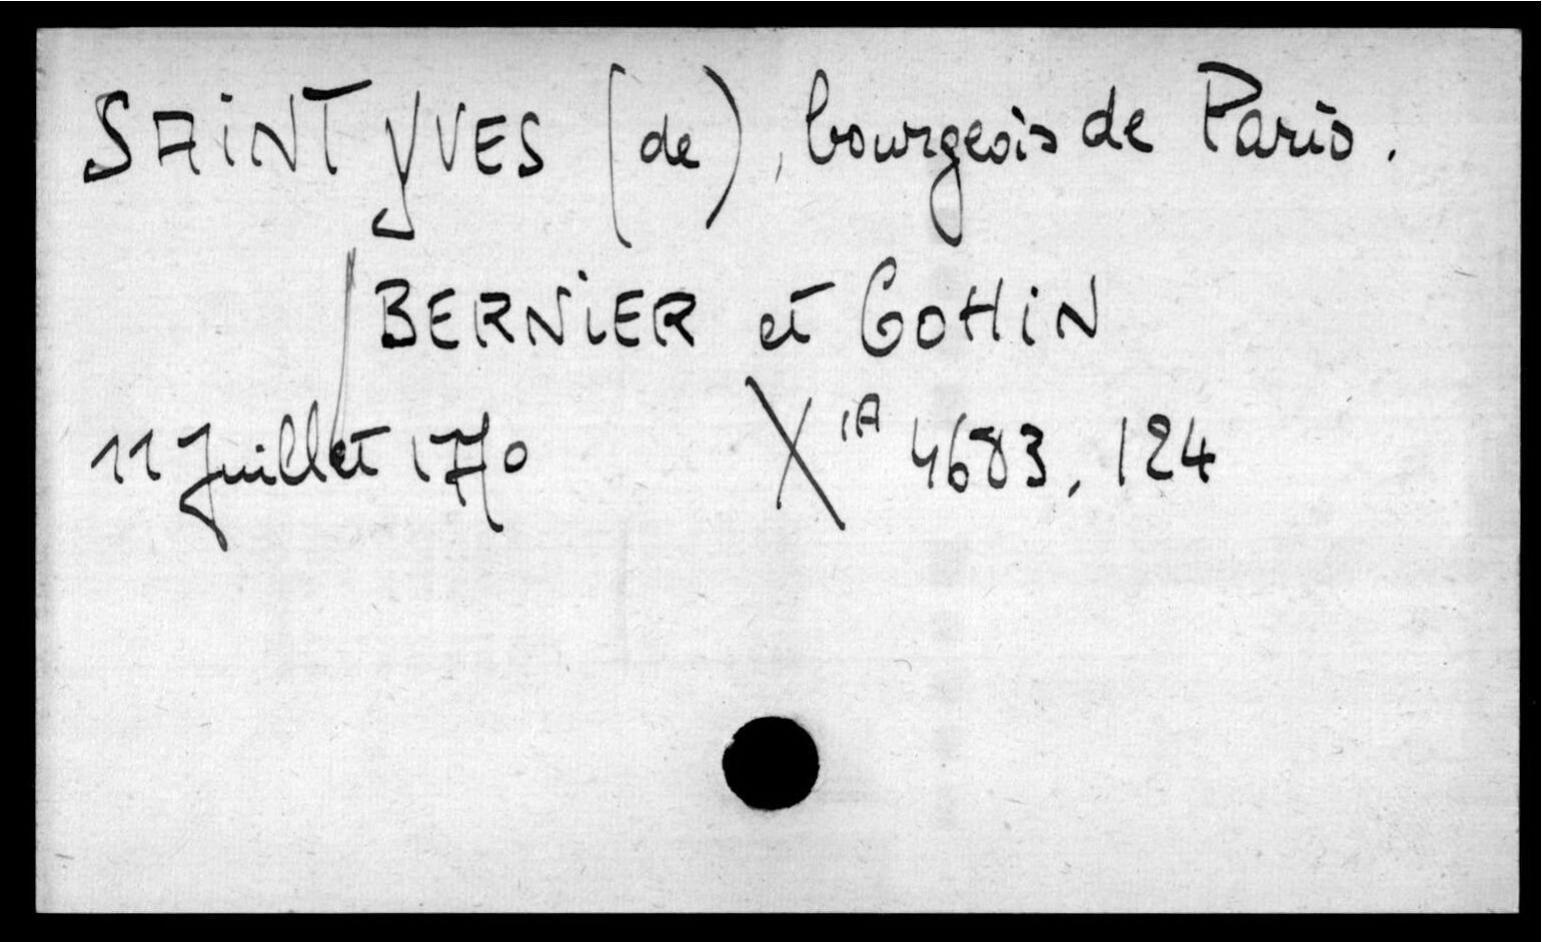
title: SAINT YVES (de), bourgeois de Paris.
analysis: Contre BERNIER et GOHIN
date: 11 juillet 1770
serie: X1A
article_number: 4683
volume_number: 124
